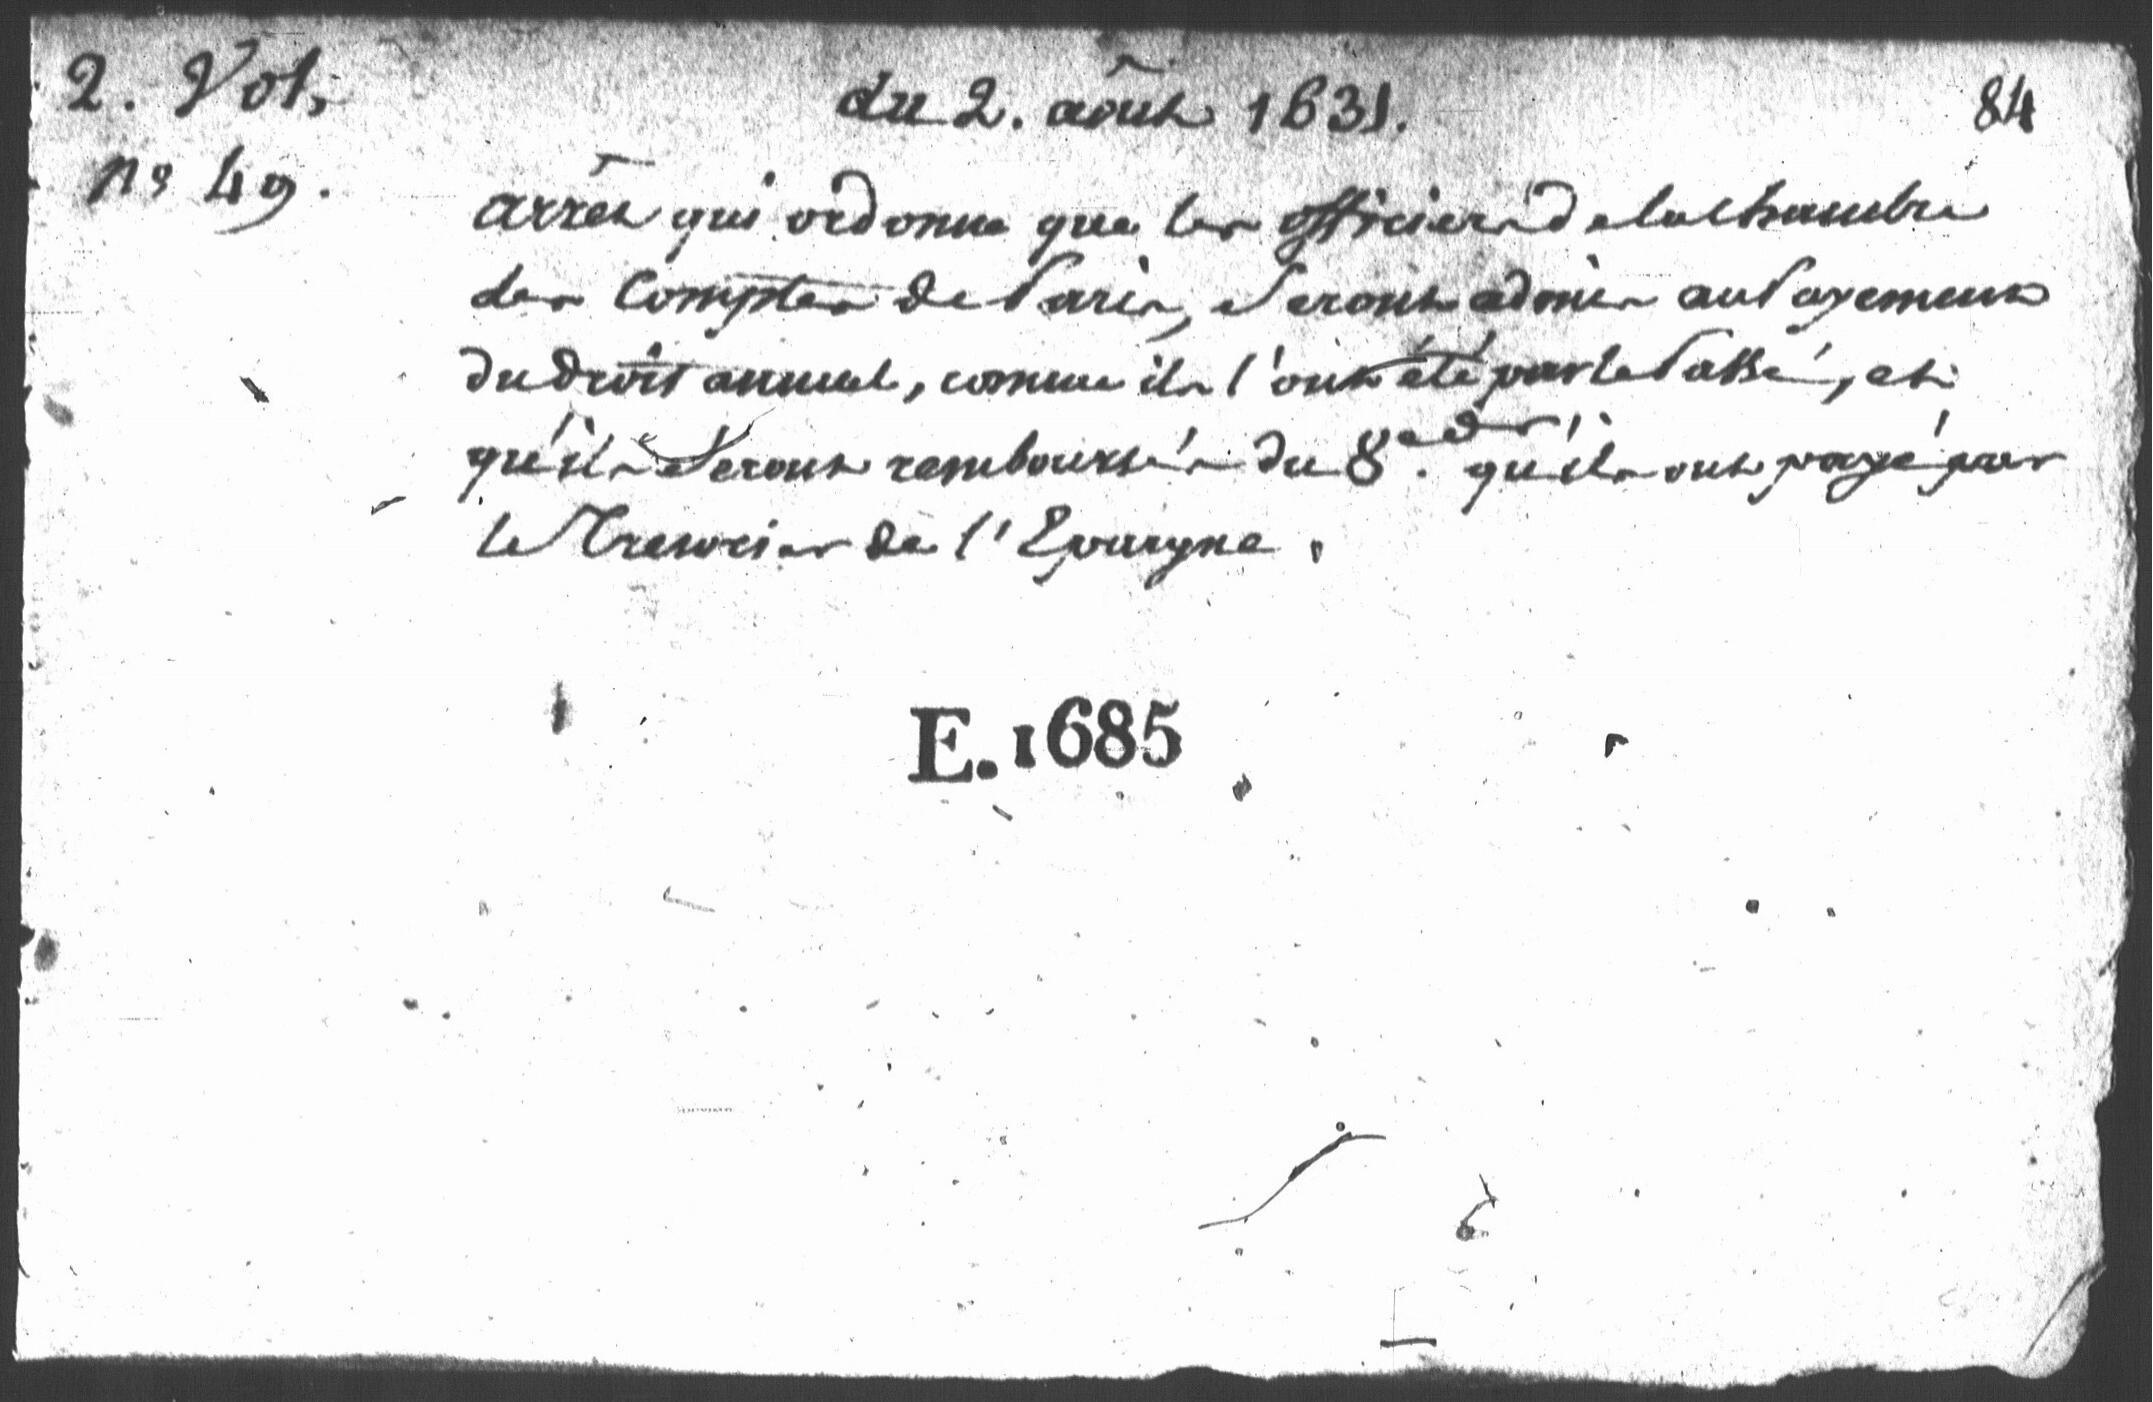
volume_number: n°49
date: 2 août 1631
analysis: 84
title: Arrêt qui ordonne que les officiers de la chambre des Comptes de Paris, seront admis au payement du droit annuel, comme ils l'ont été par le passé, et qu'ils seront remboursés du 8e. dnr qu'ils ont payé par le Tresorier de l'Epargne.
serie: E
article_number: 1685
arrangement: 2. vol.
